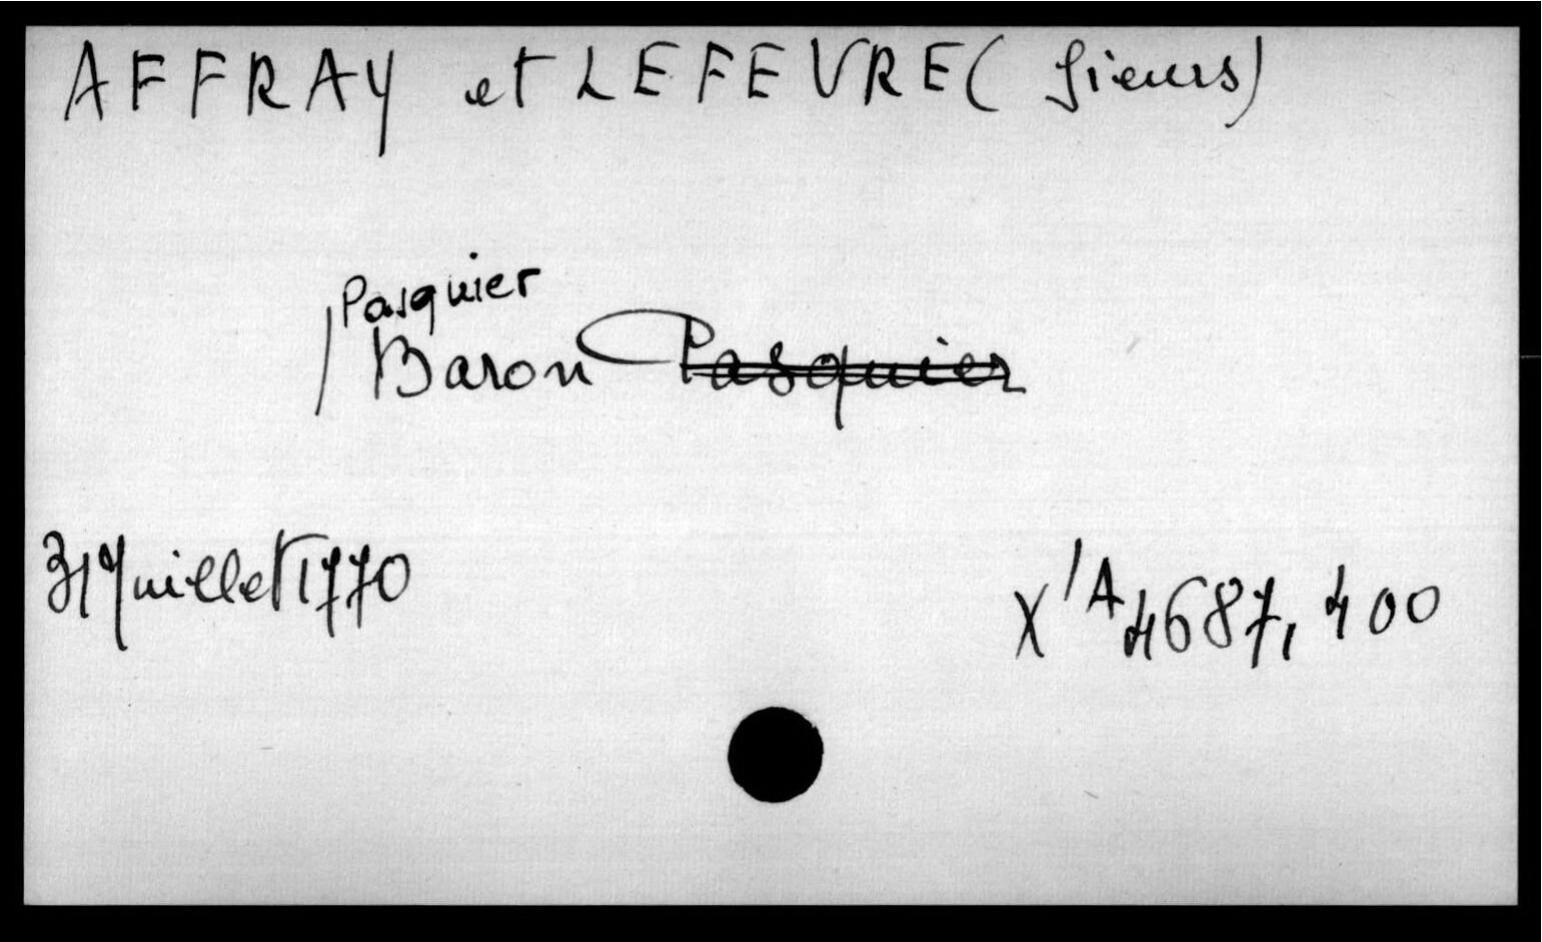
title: AFFRAY et LEFEVRE (Sieurs)
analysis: Contre Pasquier Baron
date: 31 juillet 1770
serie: X1A
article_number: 4687
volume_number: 400
